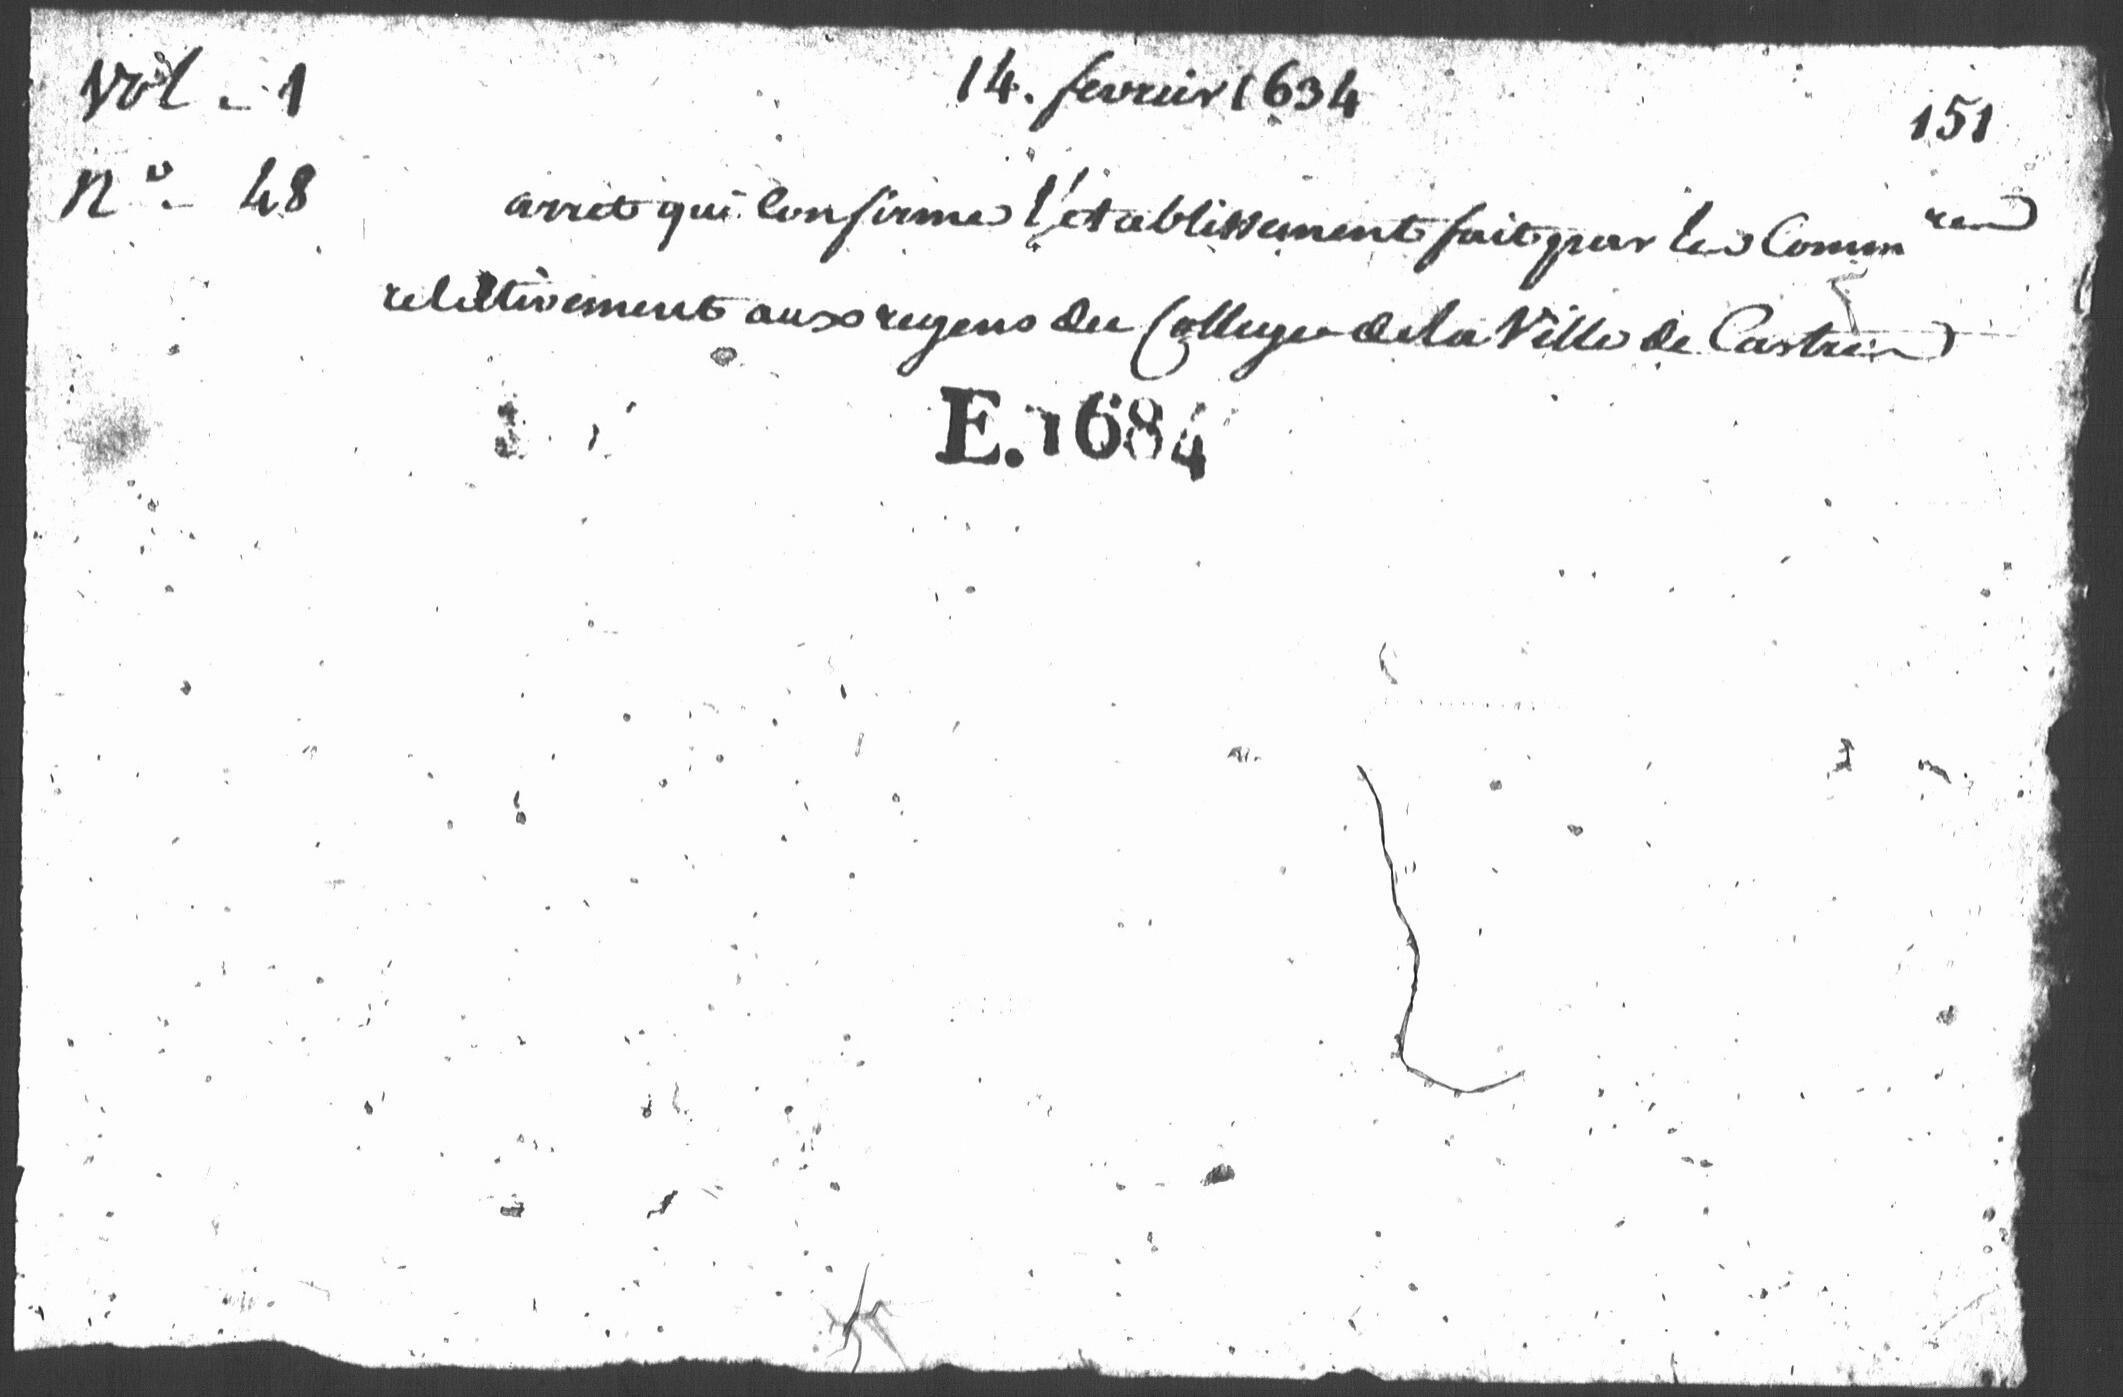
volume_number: n°48
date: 14 février 1634
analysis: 151
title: arret qui confirme l'etablissement fait par les commres relativement aux regens du college de la Ville de Castres
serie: E
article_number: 1684
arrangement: vol. 1
